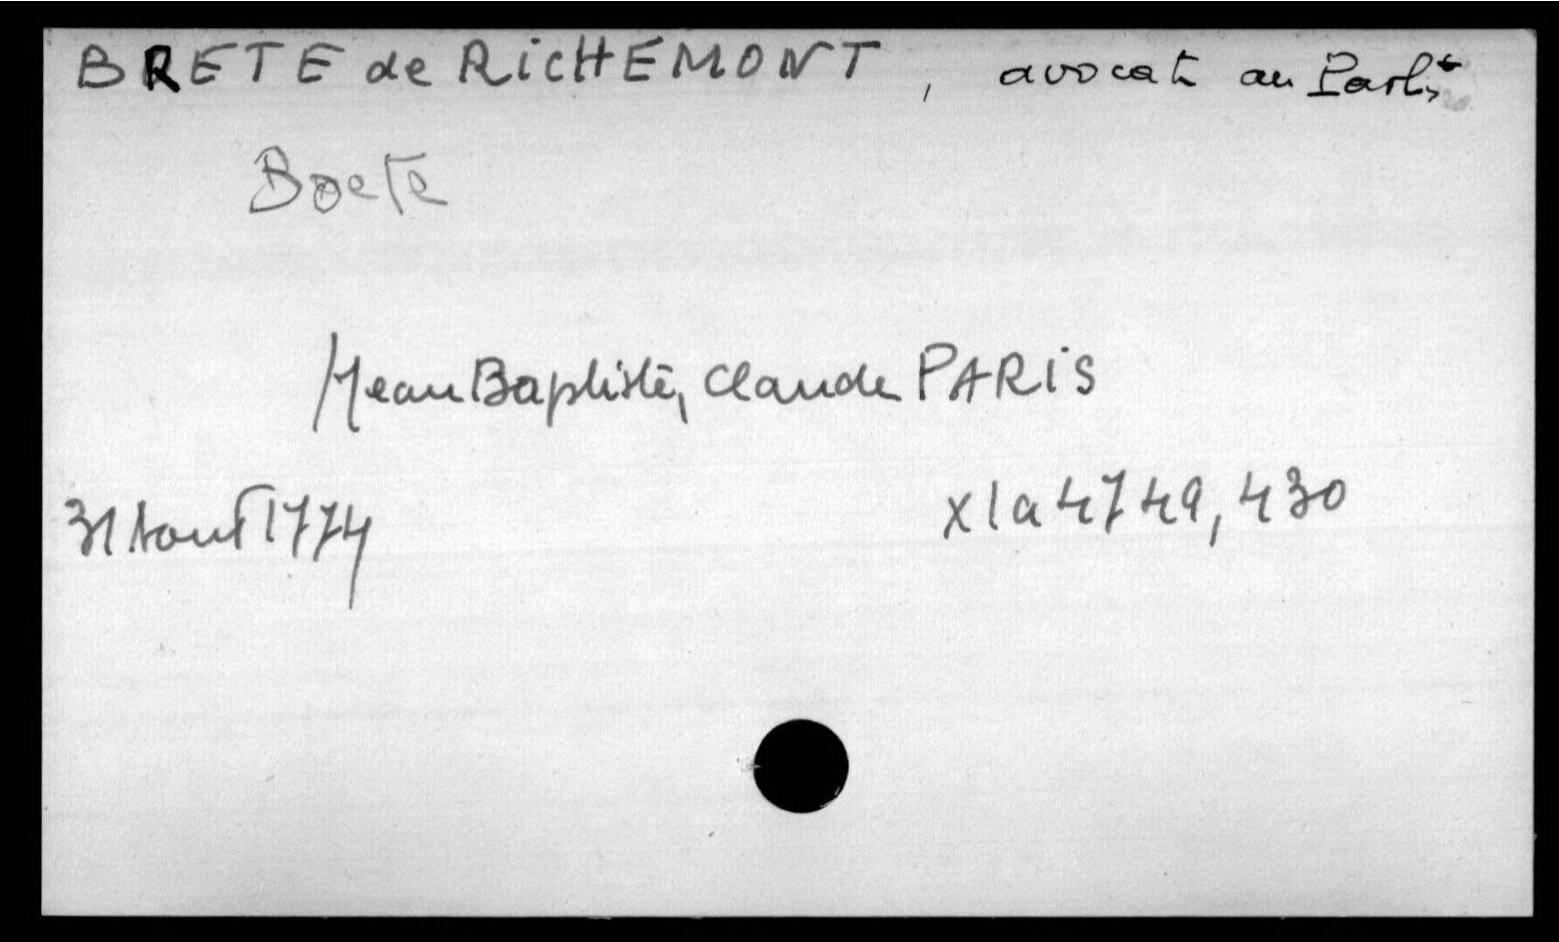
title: BOETE de RICHEMONT, avocat au Parlement
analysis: Contre Jean-Baptiste, Claude PARIS
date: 31 août 1774
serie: X1a
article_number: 4749
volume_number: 430
